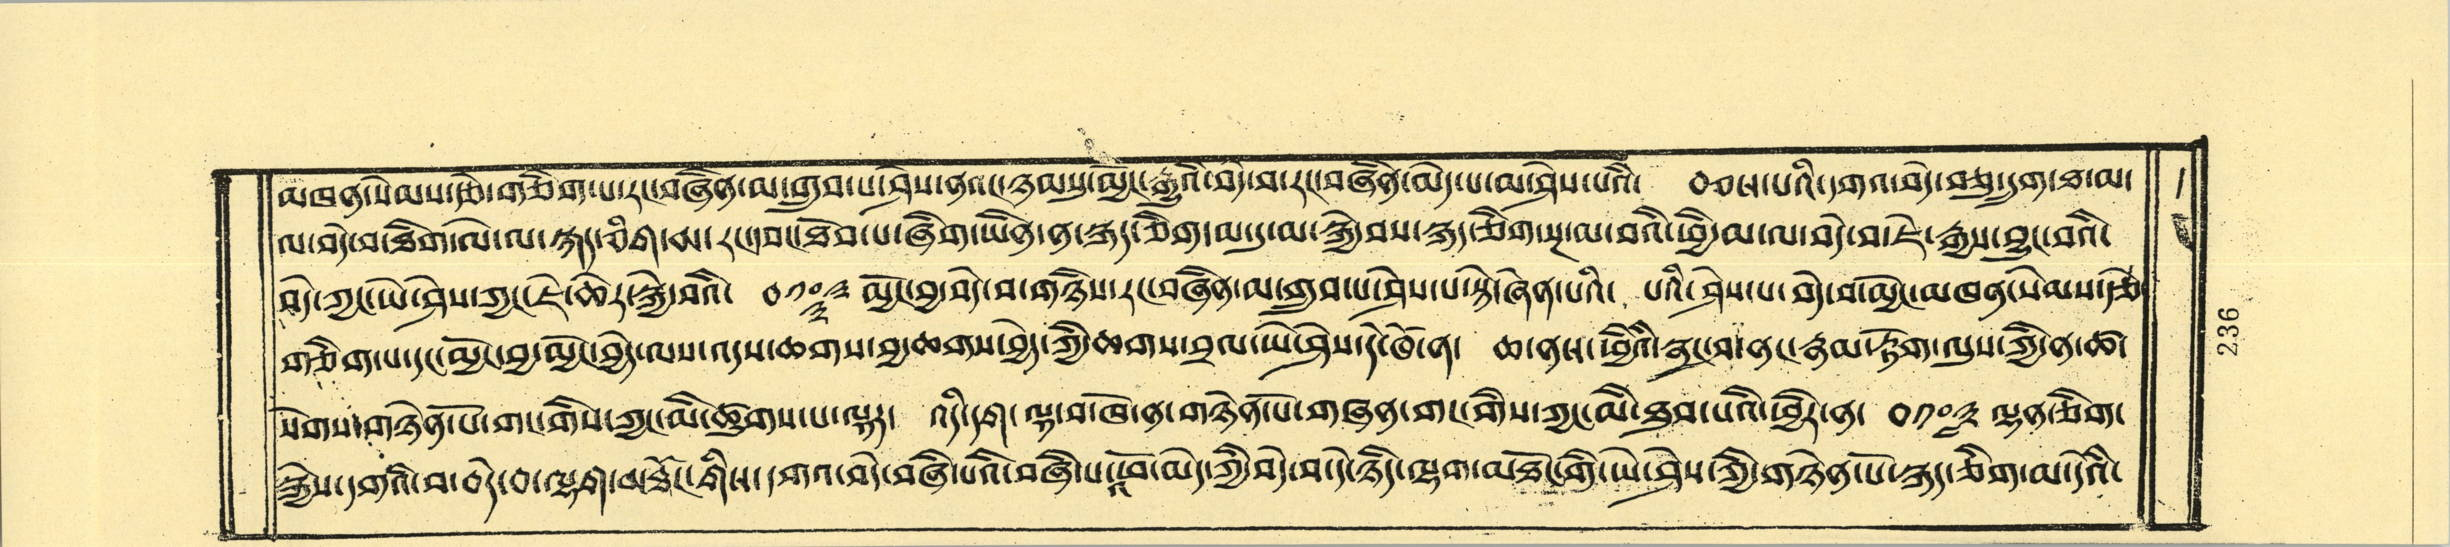མཁན་སེམས་རྩེ་གཅིག་པ་རང་བཞིན་མ་གྲུབ་པ་ཤེས་ནའང་ཉམས་སུ་མྱོང་རྒྱུའི་བདེ་བ་རང་བཞིན་མེད་པ་མ་ཤེས་པའི་ ༼བཅས་པའི་༽དགའ་བདེ་བཅུ་དྲུག་ཐ་མ་
ལ་བདེ་བ་ཐིག་ལེ་ལ་ ༼སྐད་ཅིག་མ་༽རང་དབང་ཐོབ་པ་ཞིག་ཡིན་ན་སྐད་ཅིག་མ་དུ་མ་སྐྱེ་བས་སྐད་ཅིག་སྔ་མ་བའི་ཕྱི་མ་ལ་བདེ་བ་ཇེ་རྒྱས་བྱུང་བའི་
བདེ་ཀྱང་ཡེ་ཤེས་ཀྱང་ཇེ་ཆེར་སྐྱེ་བའི་བ༡༠༣།༣ མྱོང་བྱ་བདེ་བ་གཉིས་རང་བཞིན་མ་གྲུབ་པ་ཤེས་པ་སྟེ་ ༼ཞེན་པའི་༽པའི་ཤེས་པ་བདེ་བ་མྱོང་མཁན་སེམས་རྩེ་
གཅིག་པ་དང་མྱོང་བྱ་མྱོང་བྱེད་ལས་འདས་ཆགས་བྱ་ཆགས་བྱེད་ཀྱི་ཆགས་བྲལ་ཡེ་ཤེས་ ༼དེ་ཁོ་ན་༽ ༼ཆ་ནས་༽ཕྱིའི་སྣང་བ་ན་རྣམ་རྟོག་ལུས་ཀྱི་ན་ཚ་
སོགས་གཉེན་པོ་གང་གིས་ཀྱང་མི་ཚུགས་པ་ལྟར། ༼འདི་དག་༽ལྟ་བ་ཁོ་ན་གཉེན་པོ་གཞན་གང་གིས་ཀྱང་མི་ཐུབ་པའི་ཕྱིར་ན་བ༡༠༣།༤ ལྷན་ཅིག་
སྐྱེས་དགའི་བ་ ༼བདེ་བ་ལྷག་མཐོང་གིས་༽དགའ་བདེ་བཞི་པའི་བཞི་པ་འཕོ་མེད་ཀྱི་བདེ་བ་དེ་ཉིད་ལྷག་མཐོང་གི་ཡེ་ཤེས་ཀྱི་གཉེན་པོ་སྐད་ཅིག་མ་དེའི་